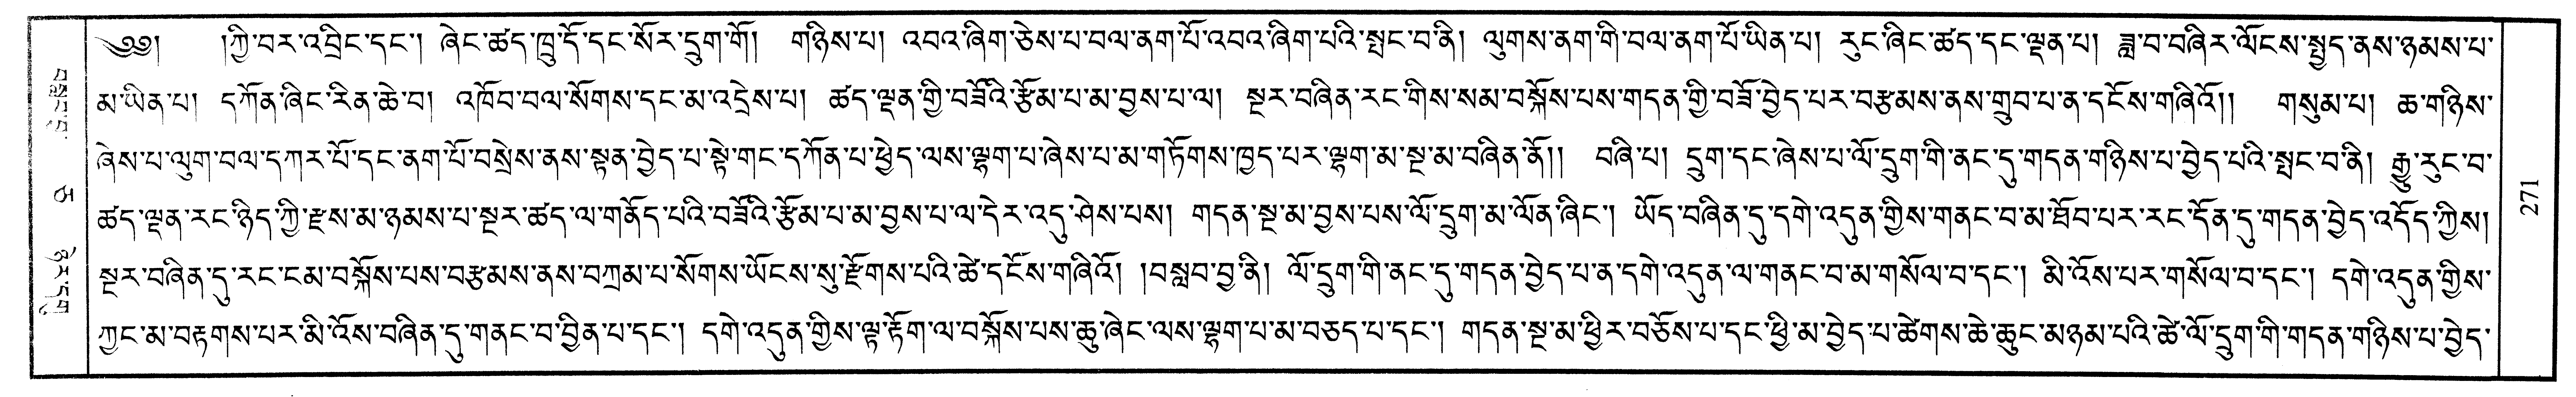༄༅། །ཀྱི་བར་འབྲིང་དང་། ཞེང་ཚད་ཁྲུ་དོ་དང་སོར་དྲུག་གོ། གཉིས་པ། འབའ་ཞིག་ཅེས་པ་བལ་ནག་པོ་འབའ་ཞིག་པའི་སྤང་བ་ནི། ལུགས་ནག་གི་བལ་ནག་པོ་ཡིན་པ། རུང་ཞིང་ཚད་དང་ལྡན་པ། ཟླ་བ་བཞིར་ལོངས་སྤྱད་ནས་ཉམས་པ་
མ་ཡིན་པ། དཀོན་ཞིང་རིན་ཆེ་བ། འཁོབ་བལ་སོགས་དང་མ་འདྲེས་པ། ཚད་ལྡན་གྱི་བཟོའི་རྩོམ་པ་མ་བྱས་པ་ལ། སྔར་བཞིན་རང་གིས་སམ་བསྐོས་པས་གདན་གྱི་བཟོ་བྱེད་པར་བརྩམས་ནས་གྲུབ་པ་ན་དངོས་གཞིའོ།། གསུམ་པ། ཆ་གཉིས་
ཞེས་པ་ལུག་བལ་དཀར་པོ་དང་ནག་པོ་བསྲེས་ནས་སྟན་བྱེད་པ་སྟེ་གང་དཀོན་པ་ཕྱེད་ལས་ལྷག་པ་ཞེས་པ་མ་གཏོགས་ཁྱད་པར་ལྷག་མ་སྔ་མ་བཞིན་ནོ།། བཞི་པ། དྲུག་དང་ཞེས་པ་ལོ་དྲུག་གི་ནང་དུ་གདན་གཉིས་པ་བྱེད་པའི་སྤང་བ་ནི། རྒྱུ་རུང་བ་
ཚད་ལྡན་རང་ཉིད་ཀྱི་རྫས་མ་ཉམས་པ་སྔར་ཚད་ལ་གནོད་པའི་བཟོའི་རྩོམ་པ་མ་བྱས་པ་ལ་དེར་འདུ་ཤེས་པས། གདན་སྔ་མ་བྱས་པས་ལོ་དྲུག་མ་ལོན་ཞིང་། ཡོད་བཞིན་དུ་དགེ་འདུན་གྱིས་གནང་བ་མ་ཐོབ་པར་རང་དོན་དུ་གདན་བྱེད་འདོད་ཀྱིས།
སྔར་བཞིན་དུ་རང་ངམ་བསྐོས་པས་བརྩམས་ནས་བཀྲམ་པ་སོགས་ཡོངས་སུ་རྫོགས་པའི་ཚེ་དངོས་གཞིའོ། །བསླབ་བྱ་ནི། ལོ་དྲུག་གི་ནང་དུ་གདན་བྱེད་པ་ན་དགེ་འདུན་ལ་གནང་བ་མ་གསོལ་བ་དང་། མི་འོས་པར་གསོལ་བ་དང་། དགེ་འདུན་གྱིས་
ཀྱང་མ་བརྟགས་པར་མི་འོས་བཞིན་དུ་གནང་བ་བྱིན་པ་དང་། དགེ་འདུན་གྱིས་ལྟ་རྟོག་ལ་བསྐོས་པས་ཆུ་ཞེང་ལས་ལྷག་པ་མ་བཅད་པ་དང་། གདན་སྔ་མ་ཕྱིར་བཅོས་པ་དང་ཕྱི་མ་བྱེད་པ་ཚེགས་ཆེ་ཆུང་མཉམ་པའི་ཚེ་ལོ་དྲུག་གི་གདན་གཉིས་པ་བྱེད་